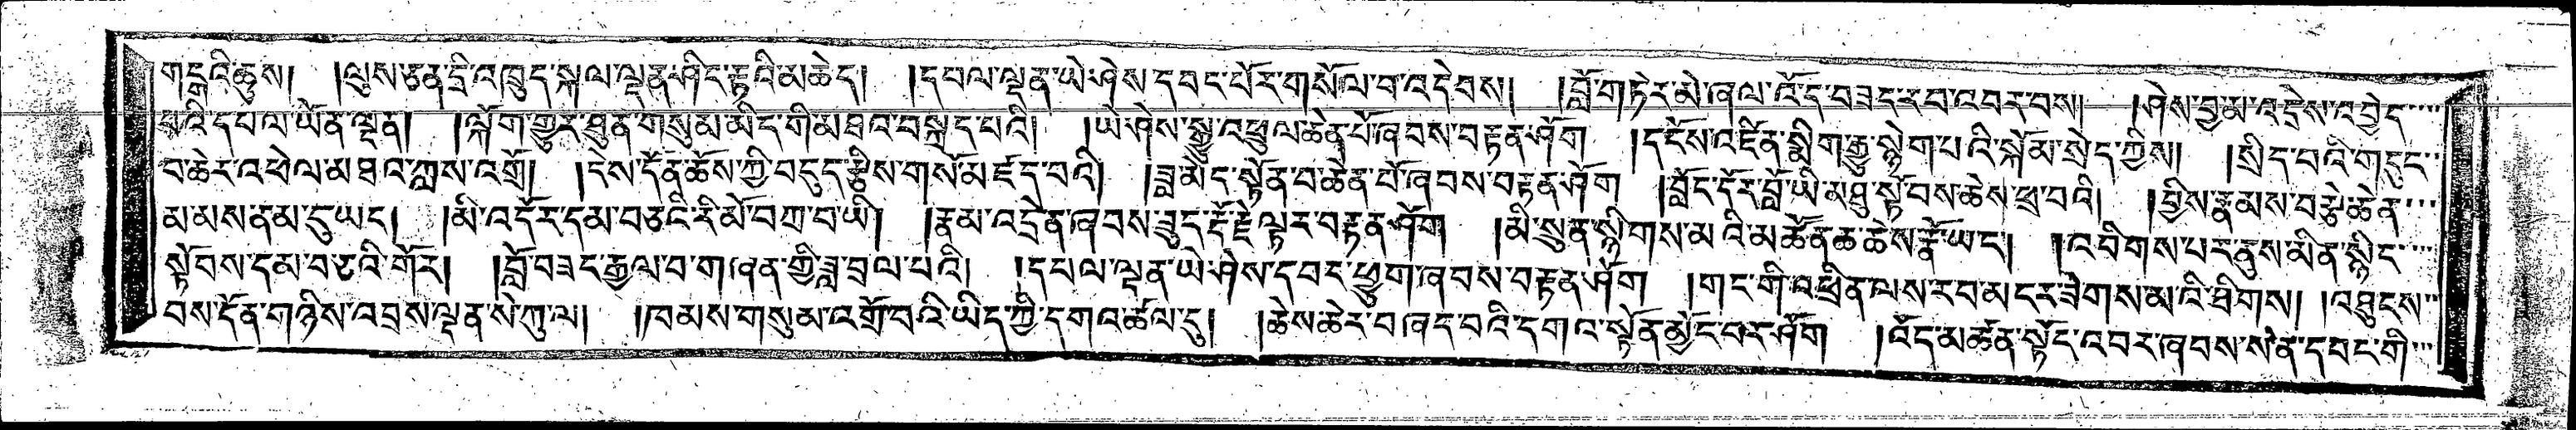གངྒའི་ཆུས། །ལུས་ཅན་དྲི་འཁྲུད་སྐལ་ལྡན་ཤིང་རྟའི་མཆེད། །དཔལ་ལྡན་ཡེ་ཤེས་དབང་པོར་གསོལ་བ་འདེབས། །བློ་གཏེར་མེ་ཞལ་འོད་བཟང་རབ་འབར་བས། །ཤེས་བྱ་མ་འདྲེས་འབྱེད་
པའི་དཔལ་ཡོན་ལྡན། །ལྐོག་གྱུར་ཐུན་གསུམ་མིང་གི་མཐའ་བསྐྲད་པའི། །ཡེ་ཤེས་སྒྱུ་འཕྲུལ་ཆེན་པོ་ཞབས་བརྟན་ཤོག །དངོས་འཛིན་སྨིག་རྒྱུ་སྙེག་པའི་སྐོམ་སྲེད་ཀྱིས། །སྲིད་པའི་གདུང་
བ་ཆེར་འཕེལ་མཐའ་ཀླས་འགྲོ། །དེས་དོན་ཆོས་ཀྱི་བདུད་རྩིས་གསོ་མཛད་པའི། །ཟླ་མེད་སྟོན་པ་ཆེན་པོ་ཞབས་བརྟན་ཤོག །བློང་དོར་བློ་ཡི་མཐུ་སྟོབས་ཆེས་ཕྲ་བའི། །བྱིས་རྣམས་བརྩེ་ཆེན་
མ་མས་ནམ་དུ་ཡང་། །མི་འདོར་དམ་བཅའི་རི་མོ་བཀྲ་བ་ཡི། །རྣམ་འདྲེན་ཞབས་ཟུང་རྡོ་རྗེ་ལྟར་བརྟན་ཤོག །མི་སྲུན་སྙིགས་མའི་མཚོན་ཆ་ཆེས་རྣོ་ཡང་། །འབིགས་པར་ནུས་མིན་སྙིང་
སྟོབས་དམ་བཅའི་གོར། །བློ་བཟང་རྒྱལ་བ་གཞན་གྱི་ཟླ་བྲལ་བའི། །དཔལ་ལྡན་ཡེ་ཤེས་དབང་ཕྱུག་ཞབས་བརྟན་ཤོག །གང་གི་འཕྲིན་ལས་རབ་མངར་ཟེགས་མའི་ཐིགས། །འཐུངས་
བས་དོན་གཉིས་འབྲས་ལྡན་སེ་ཀུ་ལ། །ཁམས་གསུམ་འགྲོ་བའི་ཡིད་ཀྱི་དགའ་ཚལ་དུ། །ཆེས་ཆེར་བཞད་པའི་དགའ་སྟོན་མྱོང་བར་ཤོག །འོད་མཚན་སྟོང་འབར་ཞབས་སེན་དབང་གི་